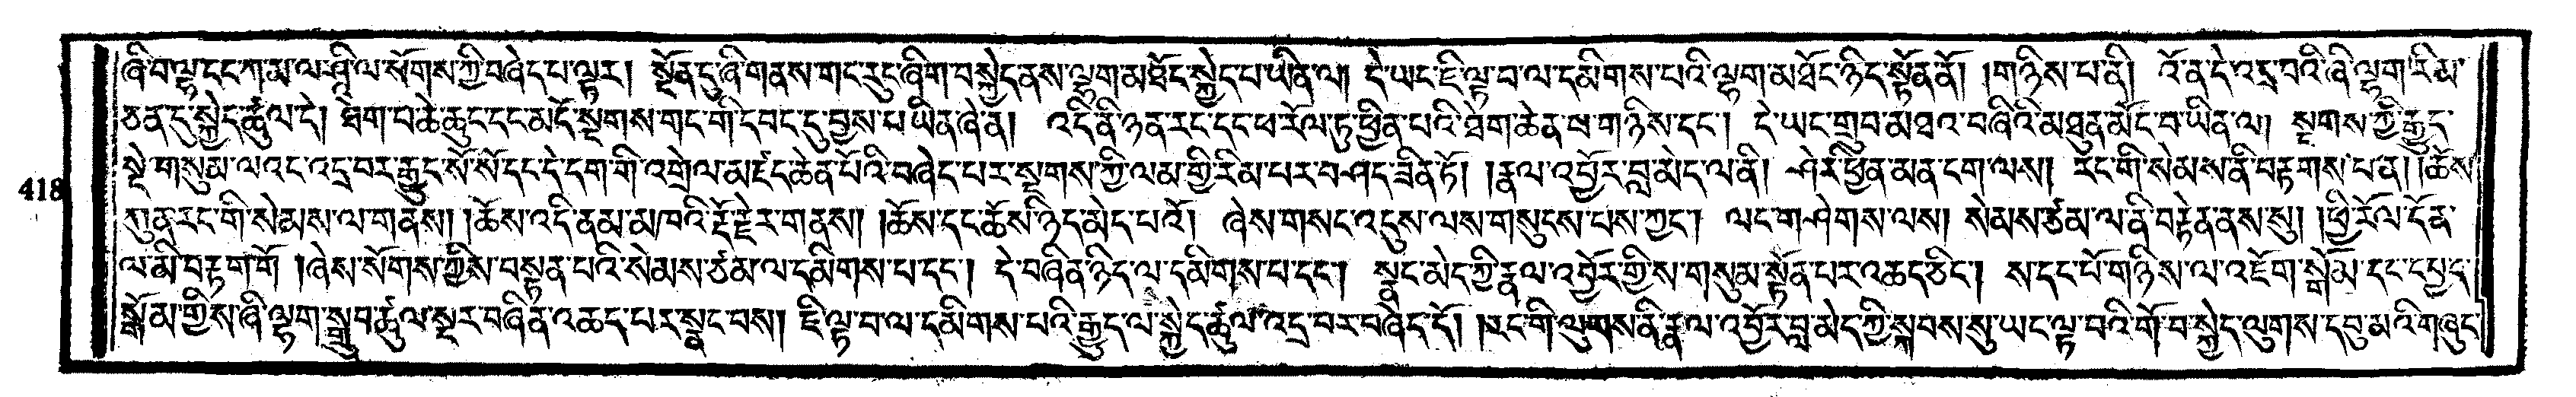ཞི་བ་ལྷ་དང་ཀ་མ་ལ་ཤཱི་ལ་སོགས་ཀྱི་བཞེད་པ་ལྟར། སྔོན་དུ་ཞི་གནས་གང་རུང་ཞིག་བསྐྱེད་ནས་ལྷག་མཐོང་སྐྱེད་པ་ཡིན་ལ། དེ་ཡང་ཇི་ལྟ་བ་ལ་དམིགས་པའི་ལྷག་མཐོང་ཉིད་སྟོན་ནོ། །གཉིས་པ་ནི། འོ་ན་དེ་འདྲ་བའི་ཞི་ལྷག་རིམ་
ཅན་དུ་སྐྱེད་ཚུལ་དེ། ཐེག་པ་ཆེ་ཆུང་དང་མདོ་སྔགས་གང་གི་དབང་དུ་བྱས་པ་ཡིན་ཞེ་ན། འདི་ནི་ཉན་རང་དང་ཕ་རོལ་ཏུ་ཕྱིན་པའི་ཐེག་ཆེན་པ་གཉིས་དང་། དེ་ཡང་གྲུབ་མཐའ་བཞིའི་མཐུན་མོང་བ་ཡིན་ལ། སྔགས་ཀྱི་རྒྱུད་
སྡེ་གསུམ་ལའང་འདྲ་བར་རྒྱུང་སོ་སོ་དང་དེ་དག་གི་འགྲེལ་མཛད་ཆེན་པོའི་བཞེང་པར་སྔགས་ཀྱི་ལམ་གྱི་རིམ་པར་བཤད་ཟིན་ཏོ། །རྣལ་འབྱོར་བླ་མེད་ལ་ནི། ཤེར་ཕྱིན་མན་ངག་ལས། རང་གི་སེམས་ནི་བརྟགས་པ་ན། །ཆོས་
ཀུན་རང་གི་སེམས་ལ་གནས། །ཆོས་འདི་ནམ་མཁའི་རྡོ་རྗེར་གནས། །ཆོས་དང་ཆོས་ཉིད་མེད་པའོ། ཞེས་གསང་འདུས་ལས་གསུངས་པས་ཀྱང་། ལང་གཤེགས་ལས། སེམས་ཙམ་ལ་ནི་བརྟེན་ནས་སུ། །ཕྱི་རོལ་དོན་
ལ་མི་བརྟག་གོ །ཞེས་སོགས་ཀྱིས་བསྟན་པའི་སེམས་ཙམ་ལ་དམིགས་པ་དང་། དེ་བཞིན་ཉིད་ལ་དམིགས་པ་དང་། སྣང་མེད་ཀྱི་རྣལ་འབྱོར་གྱི་ས་གསུམ་སྟོན་པར་འཆད་ཅིང་། ས་དང་པོ་གཉིས་ལ་འཇོག་སྒོམ་དང་དཔྱད་
སྒོམ་གྱིས་ཞི་ལྷག་སྒྲུབ་ཚུལ་སྔར་བཞིན་འཆད་པར་སྣང་བས། ཇི་ལྟ་བ་ལ་དམིགས་པའི་རྒྱུད་ལ་སྐྱེད་ཚུལ་འདྲ་བར་བཞེད་དོ། །རང་གི་ལུགས་ནི་རྣལ་འབྱོར་བླ་མེད་ཀྱི་སྐབས་སུ་ཡང་ལྟ་བའི་གོ་བ་སྐྱེད་ལུགས་དབུ་མའི་གཞུང་